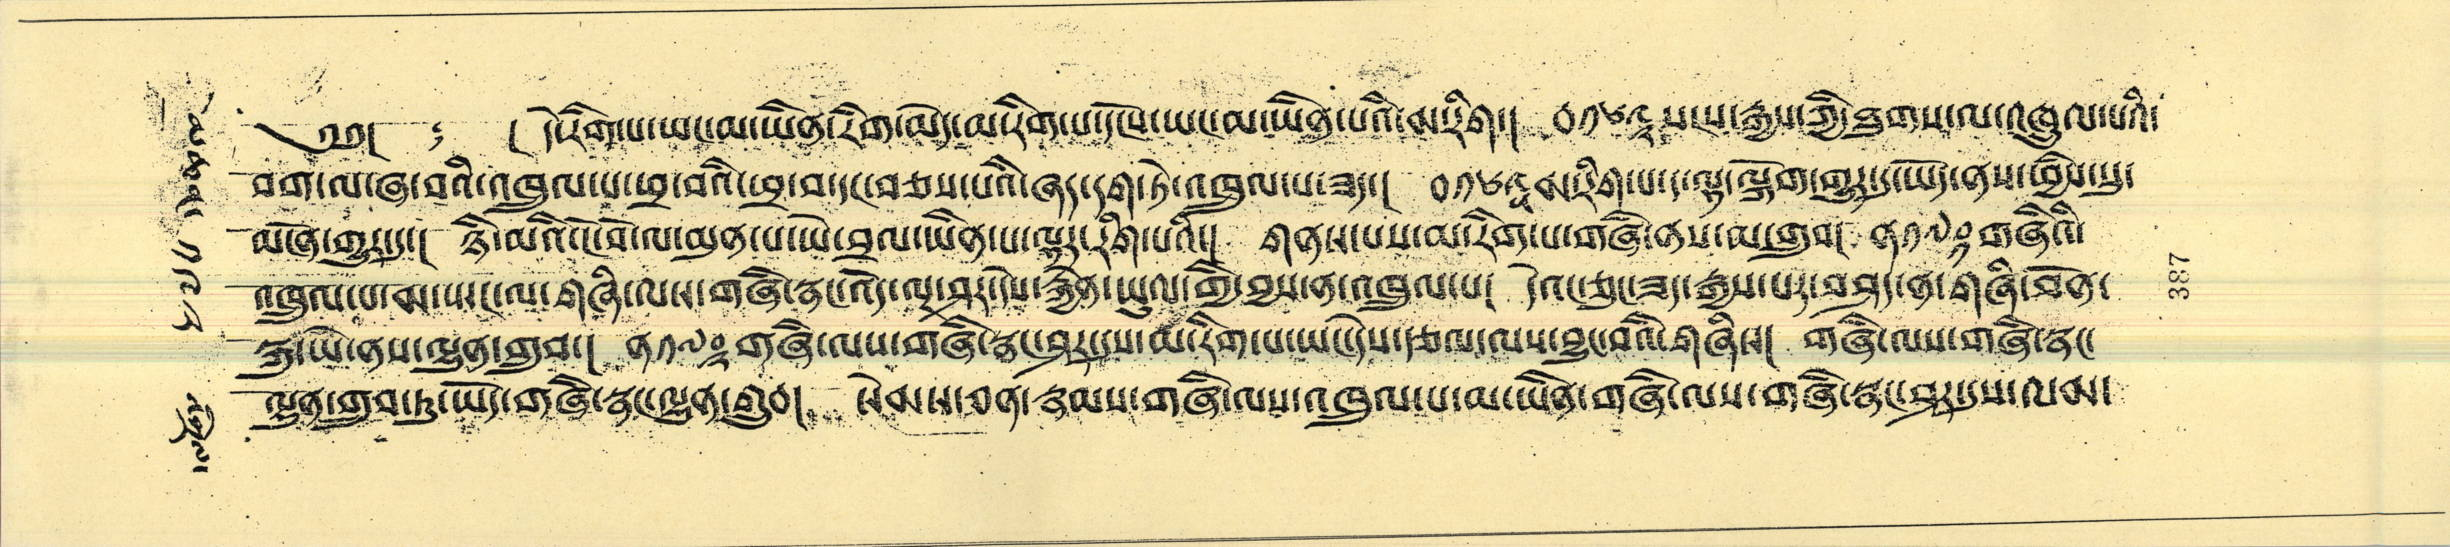དེ་རིག་པ་ཡང་མ་ཡིན་རིག་མེད་མ་རིག་པ་དངོས་ཡང་མ་ཡིན་པའི་ ༼མ་རིག་༽བ༡༦༩།༢ སངས་རྒྱས་ཀྱི་ཐུགས་ལ་ ༼འཁྲུལ་པའི་
༽བག་ལ་ཞ་བའི་འཁྲུལ་པ་ཕྲ་བའི་ཕྲ་བ་དང་བཅས་པའི་ ༼ཞད་དག་ཏེ་༽འཁྲུལ་པ་ཟད། བ༡༦༩།༥ ༼མ་རིག་པ་༽ད་ལྟ་ལྐོག་གྱུར་དུ་ཡོད་ནས་ཕྱིས་སུ་
མངོན་གྱུར་དུ། ཉི་མའི་ངོ་བོ་ལ་མུན་པ་ཡེ་བྲལ་ཡིན་པ་ལྟར་ ༼རིག་པའི།༽ ༼གནས་༽པས་མ་རིག་པ་གཞི་ནས་མ་གྲུབ། ན༡༧༠།༡ གཞིའི་
འཁྲུལ་པ་ ༼མ་སྤང་༽ལ་ ༼གཞི་ལས་༽གཞི་སྣང་འོད་ལྔ་ཤར་དེས་རྐྱེན་ ༼ཡུལ་༽གྱི་བྱས་ན་འཁྲུལ་པ། དེ་འང་ཅུང་ཟད་རྒྱས་པར་བཤད་ན་ ༼གཞི་༽བོན་
སྐུ་ཡེ་ནས་ལྷུན་གྲུབ། ན༡༧༠།༢ གཞི་ལས་གཞི་སྣང་ཤར་དུས་མ་རིག་པ་ཡང་དེས་རྩལ་ལས་བྱུང་བའི་ ༼གཞིས།༽གཞི་ལས་གཞི་སྣང་
ལྷུན་གྲུབ་ཏུ་ཡོད་གཞི་སྣང་ ༼ལྷུན་གྲུབ་༽ ༼སེམས་ཅན་༽རྣམས་གཞི་ལས་འཁྲུལ་པ་མ་ཡིན་གཞི་ལས་གཞི་སྣང་ཤར་དུས་ ༼ལམ་༽